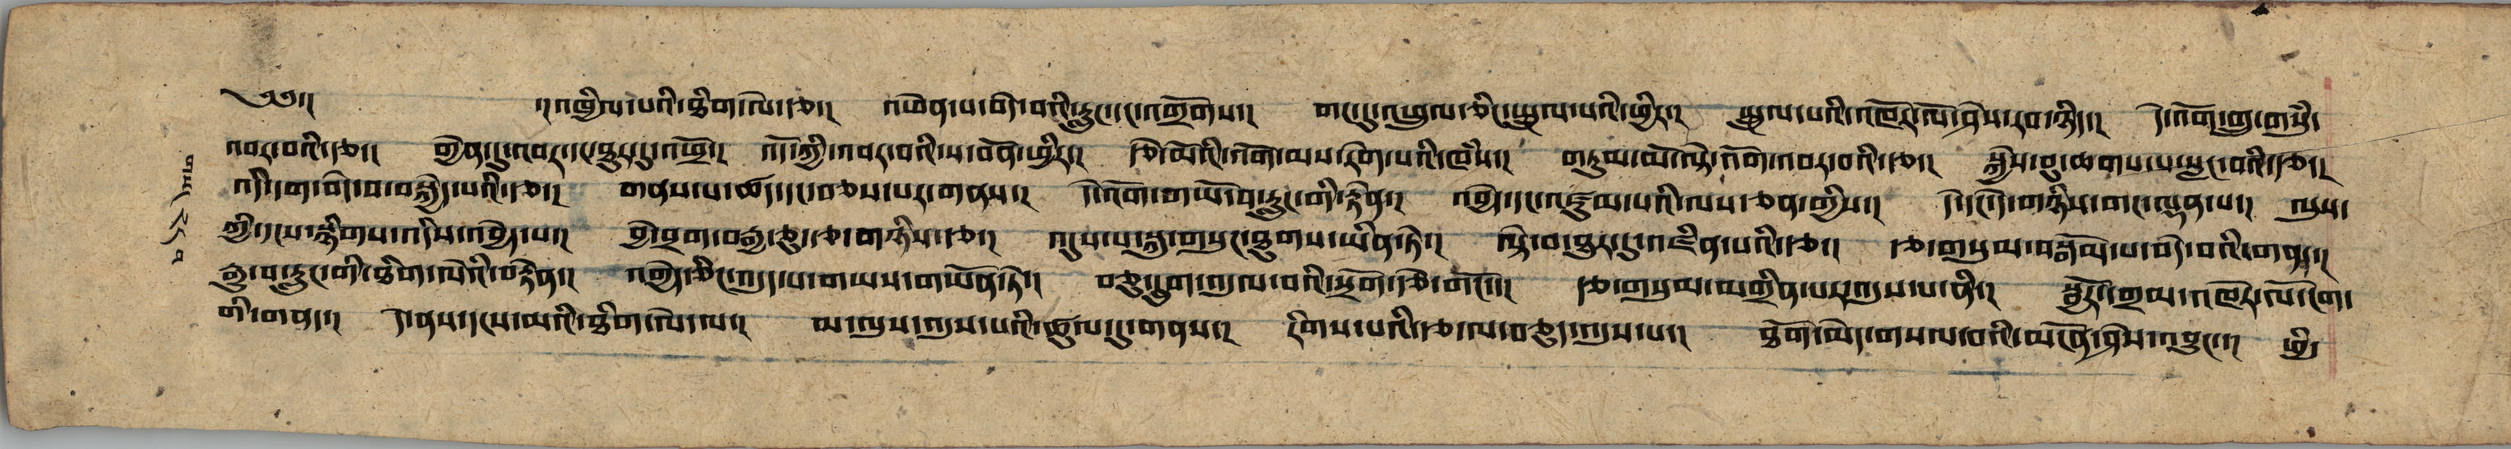༄༅་། ་།འཁྱིལ་པའི་ཐིག་ལེ་རྩ་། འཕེན་པ་བདེ་བའི་རླུང་དང་འགྲོགས་། གང་དུ་འཕྲུལ་ཅིང་སྤྲུལ་པའི་ཕྱིར་། སྤྲུལ་པའི་འཁོར་ལོ་ཤེས་རབ་ཉིད་། དེ་འོག་གྲུ་གསུཾ་
འབར་བའི་རྩ་། གྱེན་དུ་འབར་དང་ཐུར་དུ་འཕྲོ་། འོད་ཀྱི་འབར་བའི་ས་བོན་ཕྱིར་། རྩེ་མོའི་འོག་མས་རེག་པའི་ཁཾས་། གཏུམ་མོ་ལྟེ་འོག་འབར་བའི་རྩ་། སྐྱེས་བུ་ཆགས་པ་སླང་བའི་རྩ་།
འདི་དག་བདེ་བ་བསྐྱེད་པའི་རྩ་། གནས་པ་ཚད་དང་བཅས་པར་གནས་། དེ་འོག་གཡོ་བ་རླུང་གི་རྟེན་། འབྱེད་དང་འཛུམ་པའི་ལས་ཅན་གྱིས་། དེ་དང་དེ་གཉིས་གང་ལྡན་པ་། ལུས་
ཀྱི་དངས་སྙིགས་འདིས་འབྱེད་པ་། བྱེ་བྲག་བརྒྱ་ཅུ་རྩ་གཉིས་རྩ་། འདུས་པ་སྐུ་གསུང་ཐུགས་ཡིན་ཏེ་། ལྟེ་བ་ཐུར་དུ་འཛིན་པའི་རྩ་། རྩ་གསུམ་བསྒོམ་པ་བདེ་བའི་གནད་།
རྒྱུ་བ་རླུང་གི་ཐིག་ལེའི་བརྟེན་། འགྱེད་ཅིང་འདུད་པ་གཡས་གཡོན་ཏེ་། བཅུ་དྲུག་འདུལ་བའི་སྲོག་རྩེ་གོང་་། རྩ་གསུམ་མགྲིན་པར་འདུས་པ་ནི་། སྦྱོར་གྲམ་འཁོར་ལོ་ངག་
གི་གནད་། དེ་ནས་དངས་མའི་ཐིག་ལེ་ལ་། མ་ལུས་འདུས་པའི་ཚུལ་དུ་གནས་། རིགས་པའི་རྩ་ལ་བཅུད་འདུས་པ་། ཐོག་མེད་གསལ་བའི་མངོན་ཤེས་འབྱུང་་། ཕྱི་